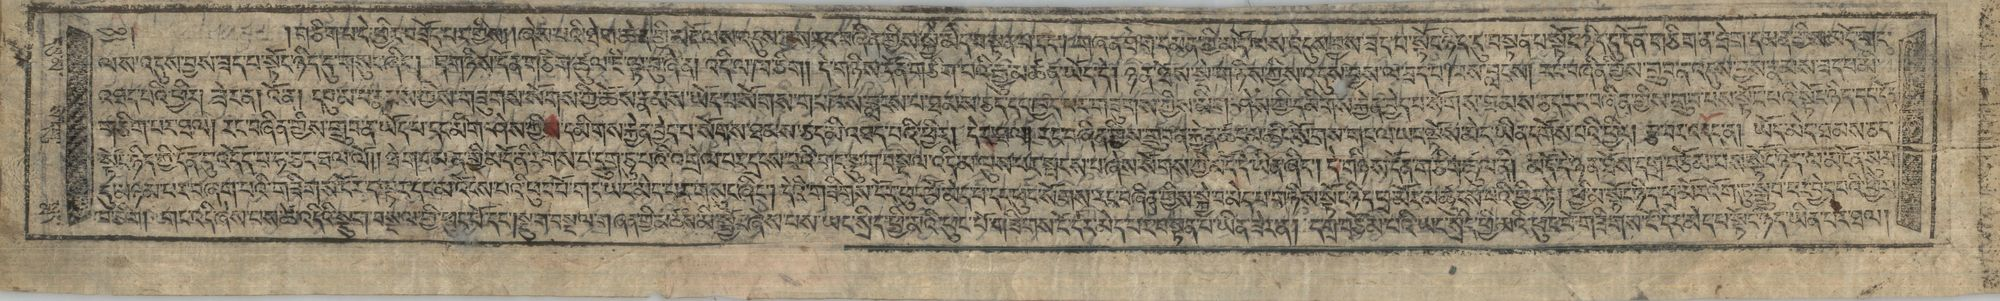༄༅། །གཅིག་པ་དེ་ཕྱིར་བཟོད་པར་གྱིས། །ཞེས་པའི་ཐེག་ཆེན་གྱི་མདོ་ལས་འདུས་བྱས་རང་བཞིན་གྱིས་སྐྱེ་མེད་བསྟན་པ་དང་། གཞན་ཐེག་དམན་གྱི་མདོ་ལས་འདུལ་བྱ་ལ་ཟད་པ་སྟོང་ཉིད་དུ་བསྟན་པ་སྟོང་ཉིད་དུ་དོན་གཅིག་ན་ཐེག་དམན་གྱིས་མེད་གང་
ལས་འདུས་བྱས་ཟད་པ་སྟོང་ཉིད་དུ་གསུང་ཞིང་། དེ་གཉིས་དོན་གཅིག་ཚུལ་ཇི་ལྟ་བུ་ཞེ་ན། འདི་ལ་ཁ་ཅིག །དེ་གཉིས་དོན་གཅིག་པའི་རྒྱུ་མཚན་ཡོད་དེ། ཉན་ཐོས་སྡེ་གཉིས་ཀྱིས་འདུས་བྱས་ལ་ཟད་པ་ཁས་བླངས། རང་བཞིན་གྱིས་གྲུབ་ན་འདུས་བྱས་རྣམས་ཟད་པ་མི་
འཐད་པའི་ཕྱིར། ཟེར་ན། འོ་ན། དབུ་མ་པ་རྣམས་ཀྱིས་གཟུགས་སོགས་ཀྱི་ཆོས་རྣམས་ཡོད་པ་སོགས་གང་ཁས་བླངས་པ་ཐམས་ཅད་དང་ཁྱད་པར་གཟུགས་ཀྱིས་མིག་ཤེས་ཀྱི་དམིགས་རྐྱེན་བྱེད་པ་སོགས་ཐམས་ཅད་རང་བཞིན་གྱིས་གྲུབ་པས་སྟོང་པའི་སྟོང་ཉིད་དང་དོན་
གཅིག་པར་ཐལ། རང་བཞིན་གྱིས་གྲུབ་ན་ཡོད་པ་དང་མིག་ཤེས་ཀྱི་དམིགས་རྐྱེན་བྱེད་པ་སོགས་ཐམས་ཅད་མི་འཐད་པའི་ཕྱིར། དེར་ཐལ། རང་བཞིན་གྱིས་གྲུབ་ན་རྐྱེན་ཚད་མ་ཚང་སོགས་གང་ལ་ཡང་ལྟོས་མེད་ཡིན་དགོས་པའི་ཕྱིར། རྩ་བར་འདོད་ན། ཡོད་མེད་ཐམས་ཅད་
སྟོང་ཉིད་ཀྱི་དོན་དུ་འདོད་པ་ཧ་ཅང་ཐལ་ལོ། །ཐེག་དམན་གྱི་མདོ་ནི་རིགས་པ་དྲུག་ཅུ་པའི་འགྲེལ་བར་དྲངས་པའི་གང་སྡུག་བསྔལ་འདི་མ་ལུས་པར་སྤངས་པ་ཞེས་སོགས་ཀྱི་མདོ་དེ་ཡིན་ཞིང་། དེ་གཉིས་དོན་གཅིག་ཚུལ་ནི། མདོ་དེ་ཉན་ཐོས་དགྲ་བཅོམ་པས་སྟོང་ཉིད་ལ་མངོན་སུམ་
དུ་མཉམ་པར་བཞག་པའི་གཟིགས་ངོར་ད་ལྟར་དང་མ་འོངས་པའི་ཕུང་པོ་གང་ཡང་མེད་པར་གསུང་ཞིང་། དེའི་གཟིགས་ངོར་ཕུང་པོ་མེད་པ་དང་ཕུང་སོགས་རང་བཞིན་གྱིས་སྐྱེ་བ་མེད་པ་གཉིས་སྟོང་ཉིད་ཕྲ་མོར་མཚུངས་པའི་ཕྱིར་ཏེ། ཕྱི་མ་སྟོང་ཉིད་ཕྲ་མོར་འོག་ཏུ་སྒྲུབ་པར་བྱེད་པའི་ཕྱིར།
ཁ་ཅིག །གང་འདི་ཞེས་པས་ཚེ་འདིའི་སྡུག་བསྔལ་གྱི་ཕུང་པོ་དང་། སྡུག་བསྔལ་གཞན་གྱི་མཚམས་མི་སྦྱོར་ཞེས་པས་ཡང་སྲིད་ཕྱི་མའི་ཕུང་པོ་གཟིགས་ངོ་དེར་མེད་པར་བསྟན་པ་ཡིན་ཟེར་ན། དགྲ་བཅོམ་པའི་ཡང་སྲིད་ཕྱི་མའི་ཕུང་པོ་གཟིགས་ངོ་དེར་མེད་པ་སྟོང་ཉིད་ཡིན་པར་ཐལ།